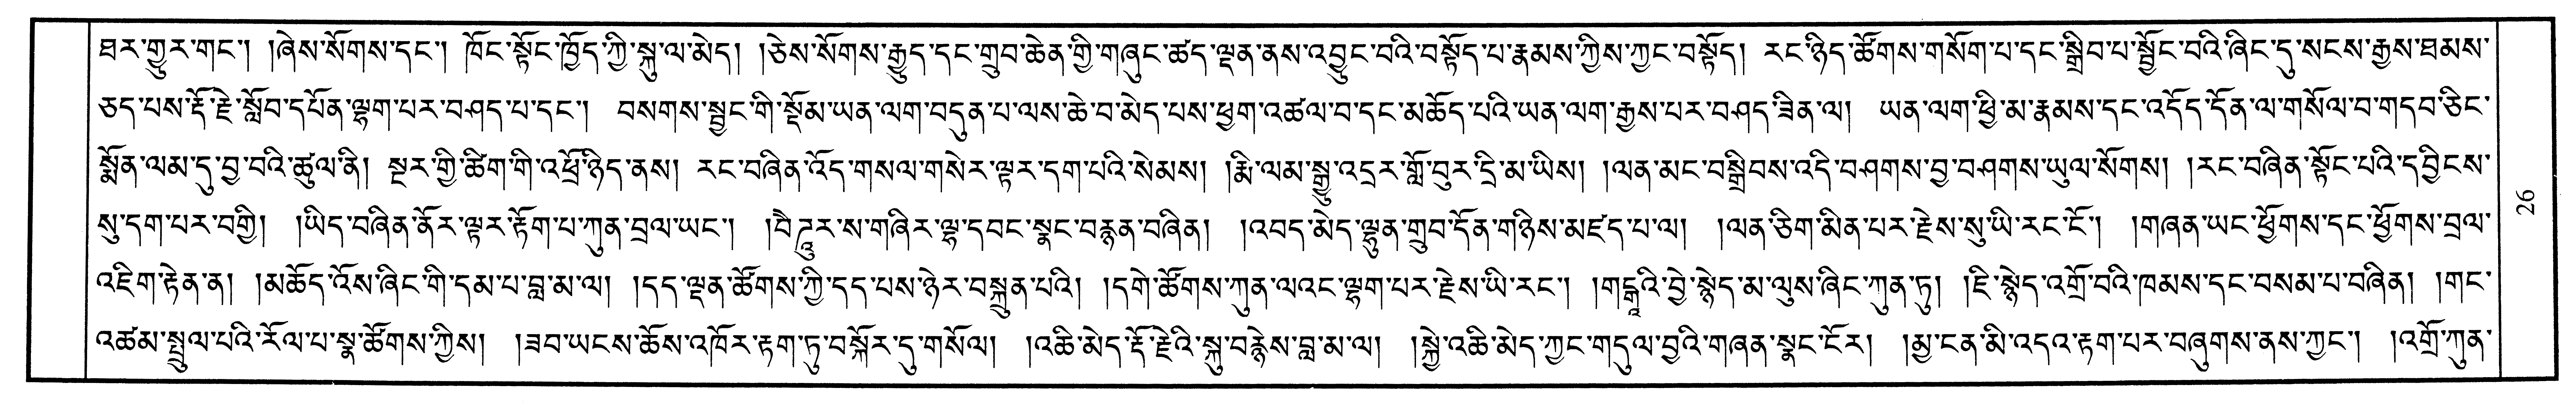ཐར་གྱུར་གང་། །ཞེས་སོགས་དང་། །ཁོང་སྟོང་ཁྱོད་ཀྱི་སྐུ་ལ་མེད། །ཅེས་སོགས་རྒྱུད་དང་གྲུབ་ཆེན་གྱི་གཞུང་ཚད་ལྡན་ནས་འབྱུང་བའི་བསྟོད་པ་རྣམས་ཀྱིས་ཀྱང་བསྟོད། །རང་ཉིད་ཚོགས་གསོག་པ་དང་སྒྲིབ་པ་སྦྱོང་བའི་ཞིང་དུ་སངས་རྒྱས་ཐམས་
ཅད་པས་རྡོ་རྗེ་སློབ་དཔོན་ལྷག་པར་བཤད་པ་དང་། །བསགས་སྦྱང་གི་སྡོམ་ཡན་ལག་བདུན་པ་ལས་ཆེ་བ་མེད་པས་ཕྱག་འཚལ་བ་དང་མཆོད་པའི་ཡན་ལག་རྒྱས་པར་བཤད་ཟིན་ལ། །ཡན་ལག་ཕྱི་མ་རྣམས་དང་འདོད་དོན་ལ་གསོལ་བ་གདབ་ཅིང་
སྨོན་ལམ་དུ་བྱ་བའི་ཚུལ་ནི། །སྔར་གྱི་ཚིག་གི་འཕྲོ་ཉིད་ནས། །རང་བཞིན་འོད་གསལ་གསེར་ལྟར་དག་པའི་སེམས། །རྨི་ལམ་སྒྱུ་འདྲར་གློ་བུར་དྲི་མ་ཡིས། །ལན་མང་བསྒྲིབས་འདི་བཤགས་བྱ་བཤགས་ཡུལ་སོགས། །རང་བཞིན་སྟོང་པའི་དབྱིངས་
སུ་དག་པར་བགྱི། །ཡིད་བཞིན་ནོར་ལྟར་རྟོག་པ་ཀུན་བྲལ་ཡང་། །བཻཌཱུར་ས་གཞིར་ལྷ་དབང་སྣང་བརྙན་བཞིན། །འབད་མེད་ལྷུན་གྲུབ་དོན་གཉིས་མཛད་པ་ལ། །ལན་ཅིག་མིན་པར་རྗེས་སུ་ཡི་རང་ངོ། །གཞན་ཡང་ཕྱོགས་དང་ཕྱོགས་བྲལ་
འཇིག་རྟེན་ན། །མཆོད་འོས་ཞིང་གི་དམ་པ་བླ་མ་ལ། །དད་ལྡན་ཚོགས་ཀྱི་དད་པས་ཉེར་བསྐྲུན་པའི། །དགེ་ཚོགས་ཀུན་ལའང་ལྷག་པར་རྗེས་ཡི་རང་། །གངྒཱའི་བྱེ་སྙེད་མ་ལུས་ཞིང་ཀུན་ཏུ། །ཇི་སྙེད་འགྲོ་བའི་ཁམས་དང་བསམ་པ་བཞིན། །གང་
འཚམ་སྤྲུལ་པའི་རོལ་པ་སྣ་ཚོགས་ཀྱིས། །ཟབ་ཡངས་ཆོས་འཁོར་རྟག་ཏུ་བསྐོར་དུ་གསོལ། །འཆི་མེད་རྡོ་རྗེའི་སྐུ་བརྙེས་བླ་མ་ལ། །སྐྱེ་འཆི་མེད་ཀྱང་གདུལ་བྱའི་གཞན་སྣང་ངོར། །མྱ་ངན་མི་འདའ་རྟག་པར་བཞུགས་ནས་ཀྱང་། །འགྲོ་ཀུན་